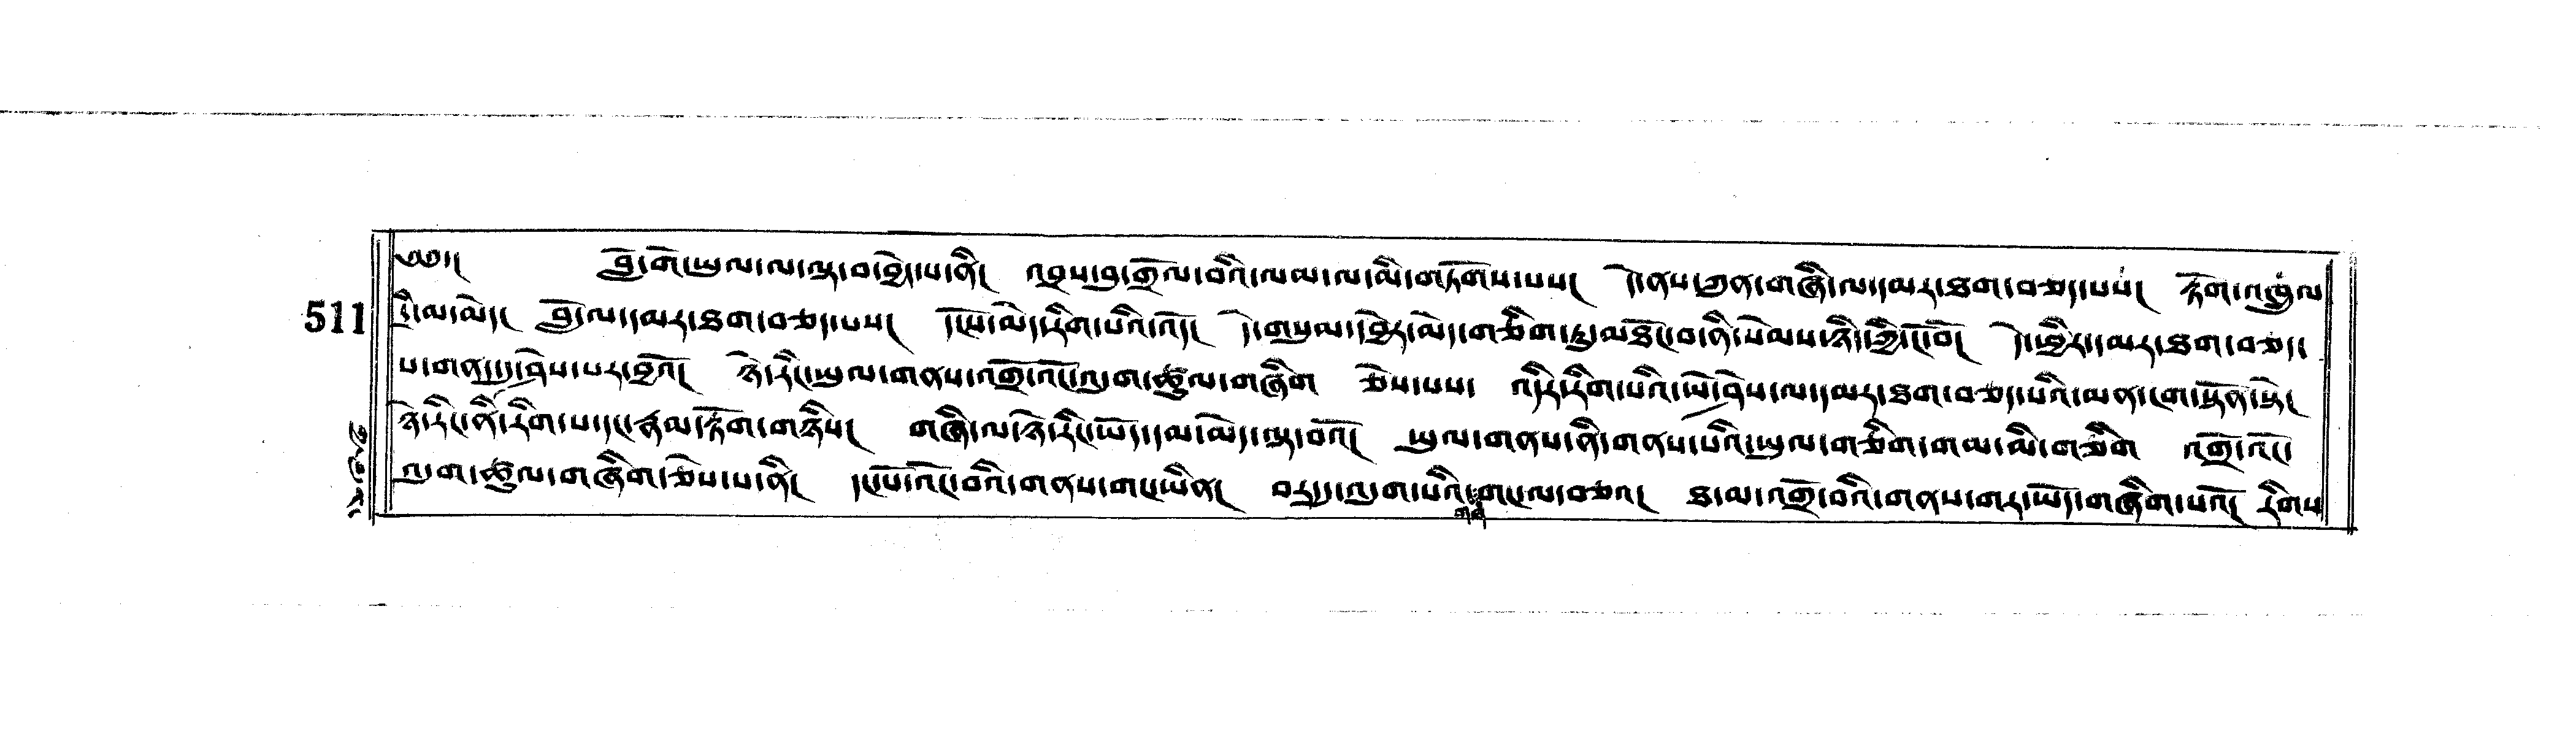བློ་གོ་ཡུལ་ལ་ལྟ་བ་བྱེད་པ་ནི། འབྲས་བུ་གྲོལ་བའི་ལམ་ལ་མི་གཏོགས་པས། དེ་ནས་ཀུན་གཞི་ལ་དམར་ཐག་བཅད་པས། རྟོག་འཁྲུལ་
དྲི་མ་མེད། བློ་ལ་དམར་ཐག་བཅད་པས་དངོས་མེད་རིག་པའི་འོད། དེ་གསུམ་དབྱེར་མེད་གཅིག་ཏུ་མཐོང་བ་ནི་སེམས་ཉིད་ཀྱི་ངོ་བོ། དེ་ཕྱིར་དམར་ཐག་བཅད་
པ་གནད་དུ་ཤེས་པར་བྱའོ། ཉེ་རིང་ཡུལ་གནས་འགྲོ་འོང་འདུག་ཚུལ་གཞིག ཅེས་པས། འདིར་རིག་པའི་ཡེ་ཤེས་ལ་དམར་ཐག་བཅད་པའི་མན་ངག་སྟོན་ཏེ།
 ཉེ་རིང་ནི་རིག་པ་དང་རྣམ་རྟོག་གཉིས། གཞི་ལ་ཉེ་རིང་ཡོད་དམ་མེད་ལྟ་བའོ། ཡུལ་གནས་ནི་གནས་པའི་ཡུལ་གཅིག་གམ་མི་གཅིག འགྲོ་འོང་
འདུག་ཚུལ་གཞིག་ཅེས་པ་ནི། དང་པོ་འོང་བའི་གནས་གང་ཡིན། བར་དུ་འདུག་པའི་གཞི་གང་ལ་བཅའ། ཐ་མ་འགྲོ་བའི་གནས་གར་ཡོད་གཞིག་པའོ། རིགས་